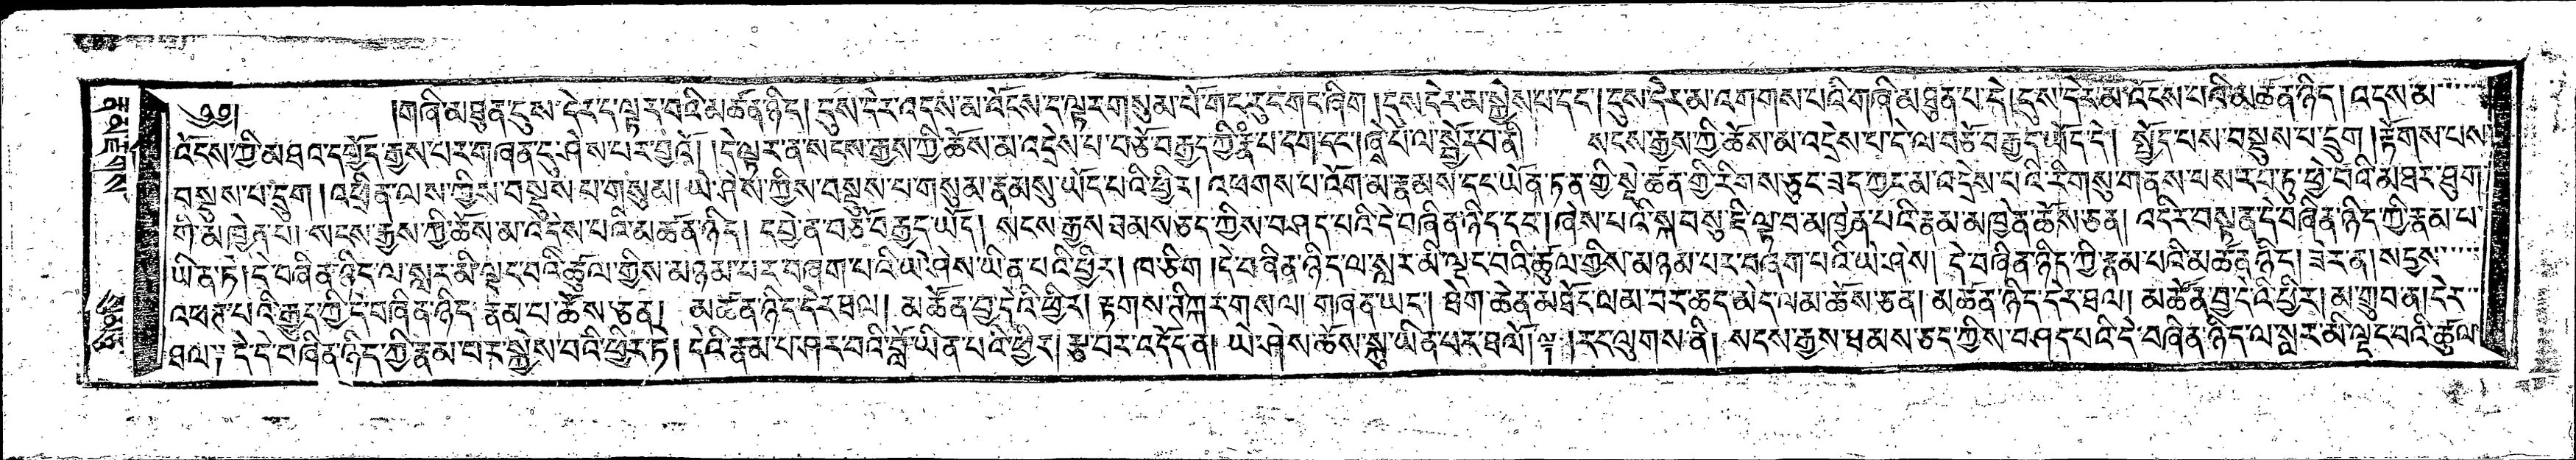༄༅། །གཞི་མཐུན་དུས་དེར་ད་ལྟར་བའི་མཚན་ཉིད། དུས་དེར་འདས་མ་འོངས་ད་ལྟར་གསུམ་པོ་གང་རུང་གང་ཞིག །དུས་དེར་མ་སྐྱེས་པ་དང་། དུས་དེར་མ་འགགས་པའི་གཞི་མཐུན་པ་དེ། དུས་དེར་མ་འོངས་པའི་མཚན་ཉིད། འདས་མ་
འོངས་ཀྱི་མཐའ་དཔྱོད་རྒྱས་པར་གཞན་དུ་ཤེས་པར་བྱའོ། །དེ་ལྟར་ན་སངས་རྒྱས་ཀྱི་ཆོས་མ་འདྲེས་པ་བཅོ་བརྒྱད་ཀྱི་རྣམ་པ་དག་དང་། ཞེས་པ་ལ་སྦྱོར་བ་ནི། སངས་རྒྱས་ཀྱི་ཆོས་མ་འདྲེས་པ་དེ་ལ་བཅོ་བརྒྱད་ཡོད་དེ། སྤྱོད་པས་བསྡུས་པ་དྲུག །རྟོགས་པས་
བསྡུས་པ་དྲུག །འཕྲིན་ལས་ཀྱིས་བསྡུས་པ་གསུམ། ཡེ་ཤེས་ཀྱིས་བསྡུས་པ་གསུམ་རྣམས་སུ་ཡོད་པའི་ཕྱིར། འཕགས་པ་འོག་མ་རྣམས་དང་ཡོན་ཏན་གྱི་སྡེ་ཚན་གྱི་རིགས་ཅུང་ཟད་ཀྱང་མ་འདྲེས་པའི་རིགས་སུ་གནས་པས་རབ་ཏུ་ཕྱེ་བའི་མཐར་ཐུག་
གི་མཁྱེན་པ། སངས་རྒྱས་ཀྱི་ཆོས་མ་འདྲེས་པའི་མཚན་ཉིད། དབྱེ་ན་བཅོ་བརྒྱད་ཡོད། སངས་རྒྱས་ཐམས་ཅད་ཀྱིས་བཤད་པའི་དེ་བཞིན་ཉིད་དང་། ཞེས་པའི་སྐབས་སུ་ཇི་ལྟ་བ་མཁྱེན་པའི་རྣམ་མཁྱེན་ཆོས་ཅན། འདིར་བསྟན་དེ་བཞིན་ཉིད་ཀྱི་རྣམ་པ་
ཡིན་ཏེ། དེ་བཞིན་ཉིད་ལ་སླར་མི་ལྡང་བའི་ཚུལ་གྱིས་མཉམ་པར་བཞག་པའི་ཡེ་ཤེས་ཡིན་པའི་ཕྱིར། ཁ་ཅིག། དེ་བཞིན་ཉིད་ལ་སླར་མི་ལྡང་བའི་ཚུལ་གྱིས་མཉམ་པར་བཞག་པའི་ཡེ་ཤེས། དེ་བཞིན་ཉིད་ཀྱི་རྣམ་པའི་མཚན་ཉིད། ཟེར་ན། སངས་རྒྱས་
འཕགས་པའི་རྒྱུད་ཀྱི་དེ་བཞིན་ཉིད་ཀྱི་རྣམ་པ་ཆོས་ཅན། མཚན་ཉིད་དེར་ཐལ། མཚོན་བྱ་དེའི་ཕྱིར། རྟགས་ཊིཀྐར་གསལ། གཞན་ཡང་། ཐེག་ཆེན་མཐོང་ལམ་བར་ཆད་མེད་ལམ་ཆོས་ཅན། མཚན་ཉིད་དེར་ཐལ། མཚོན་བྱ་དེའི་ཕྱིར། མ་གྲུབ་ན། དེར་
ཐལ༑ དེ་དེ་བཞིན་ཉིད་ཀྱི་རྣམ་པར་སྐྱེས་པའི་ཕྱིར་ཏེ། དེའི་རྣམ་པ་ཤར་བའི་བློ་ཡིན་པའི་ཕྱིར། རྩ་བར་འདོད་ན། ཡེ་ཤེས་ཆོས་སྐུ་ཡིན་པར་ཐལ་ལོ། ༈ །རང་ལུགས་ནི། སངས་རྒྱས་ཐམས་ཅད་ཀྱིས་བཤད་པའི་དེ་བཞིན་ཉིད་ལ་སླར་མི་ལྡང་བའི་ཚུལ་